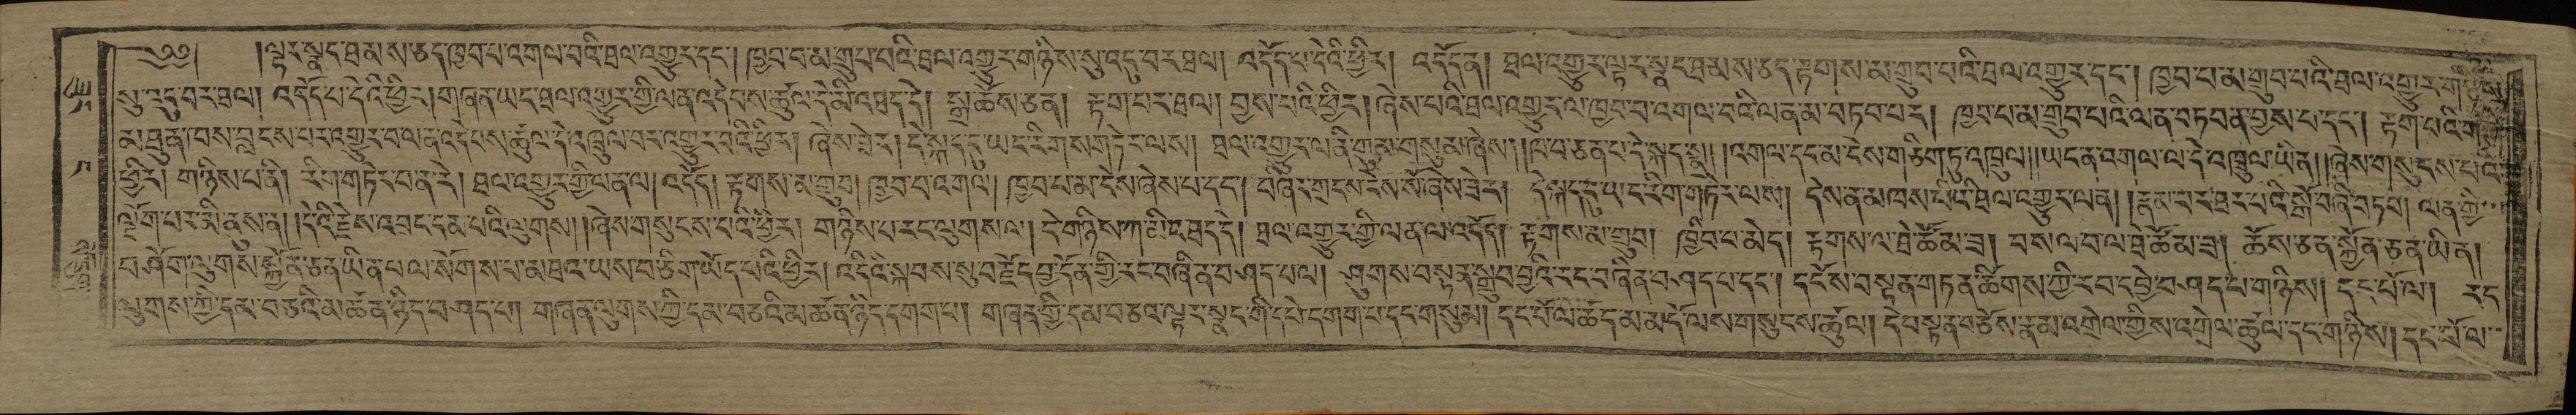༄༅། །ལྟར་སྣང་ཐམས་ཅད་ཁྱབ་པ་འགལ་བའི་ཐལ་འགྱུར་དང་། ཁྱབ་པ་མ་གྲུབ་པའི་ཐལ་འགྱུར་གཉིས་སུ་འདུ་བར་ཐལ། འདོད་པ་དེའི་ཕྱིར། འདོད་ན། ཐལ་འགྱུར་ལྟར་སྣང་ཐམས་ཅད་རྟགས་མ་གྲུབ་པའི་ཐལ་འགྱུར་དང་། ཁྱབ་པ་མ་གྲུབ་པའི་ཐལ་འགྱུར་གཉིས་
སུ་འདུ་བར་ཐལ། འདོད་པ་དེའི་ཕྱིར། གཞན་ཡང་ཐལ་འགྱུར་གྱི་ལན་འདེབས་ཚུལ་དེ་མི་འཐད་དེ། སྒྲ་ཆོས་ཅན། རྟག་པར་ཐལ། བྱས་པའི་ཕྱིར། ཞེས་པའི་ཐལ་འགྱུར་ལ་ཁྱབ་པ་འགལ་བའི་ལན་མ་བཏབ་པར། ཁྱབ་པ་མ་གྲུབ་པའི་ལན་བཏབ་ན་བྱས་པ་དང་། རྟག་པའི་གཞི་
མཐུན་ཁས་བླངས་པར་འགྱུར་བ་ལན་འདེབས་ཚུལ་དེ་འཁྲུལ་བར་འགྱུར་བའི་ཕྱིར། ཞེས་ཟེར། དེ་སྐད་དུ་ཡང་རིགས་གཏེར་ལས། ཐལ་འགྱུར་ལ་ནི་གུམ་གསུམ་ཞེས། །ཁ་བ་ཅན་པ་དེ་སྐད་སྨྲ། །འགལ་དང་མ་ངེས་གཅིག་ཏུ་འཁྲུལ། །ཡང་ན་འགལ་ལ་དེ་འཁྲུལ་ཡིན། །ཞེས་གསུངས་པའི་
ཕྱིར། གཉིས་པ་ནི། རིག་གཏེར་བ་ན་རེ། ཐལ་འགྱུར་གྱི་ལན་ལ། འདོད། རྟགས་མ་གྲུབ། ཁྱབ་པ་འགལ། ཁྱབ་པ་མ་ངེས་ཞེས་པ་དང་། བཞིར་གྲངས་ངེས་སོ་ཞེས་ཟེར། དེ་སྐད་དུ་ཡང་རིག་གཏེར་ལས། དེས་ན་མཁས་པའི་ཐལ་འགྱུར་ལན། །རྣམ་པར་ཐར་བའི་སྒོ་བཞི་བཏབ། ལན་གྱི་
ལྡོག་པར་མི་ནུས་ན། །དེའི་རྗེས་འབྲང་དམ་པའི་ལུགས། །ཞེས་གསུངས་པའི་ཕྱིར། གཉིས་པ་རང་ལུགས་ལ། དེ་གཉིས་ཀ་མི་འཐད་དེ། ཐལ་འགྱུར་གྱི་ལན་ལ་འདོད། རྟགས་མ་གྲུབ། ཁྱིབ་པ་མེད། རྟགས་ལ་ཐེ་ཚོམ་ཟ། བསལ་བ་ལ་ཐེ་ཚོམ་ཟ། ཆོས་ཅན་སྐྱོན་ཅན་ཡིན།
བཤོག་ལུགས་སྐྱོན་ཅན་ཡིན་པ་ལ་སོགས་པ་མཐའ་ཡས་བ་ཅིག་ཡོད་པའི་ཕྱིར། འདིའི་སྐབས་སུ་བརྗོད་བྱ་དོན་གྱི་རང་བཞིན་བཤད་པ་ལ། ཤུགས་བསྟན་སྒྲུབ་བྱའི་རང་བཞིན་བཤད་པ་དང་། དངོས་བསྟན་གཏན་ཚིགས་ཀྱི་རབ་དབྱེ་བཤད་པ་གཉིས། དང་པོ་ལ། རང་
ལུགས་ཀྱི་དམ་བཅའི་མཚན་ཉིད་བཤད་པ། གཞན་ལུགས་ཀྱི་དམ་བཅའི་མཚན་ཉིད་དགག་པ། གཞན་གྱི་དམ་བཅའ་ལྟར་སྣང་གི་དཔེ་དགག་པ་དང་གསུམ། དང་པོ་ལ་ཚད་མ་མདོ་ལས་གསུངས་ཚུལ། དེ་བསྟན་བཅོས་རྣམ་འགྲེལ་གྱིས་འགྲེལ་ཚུལ་དང་གཉིས། དང་པོ་ལ་